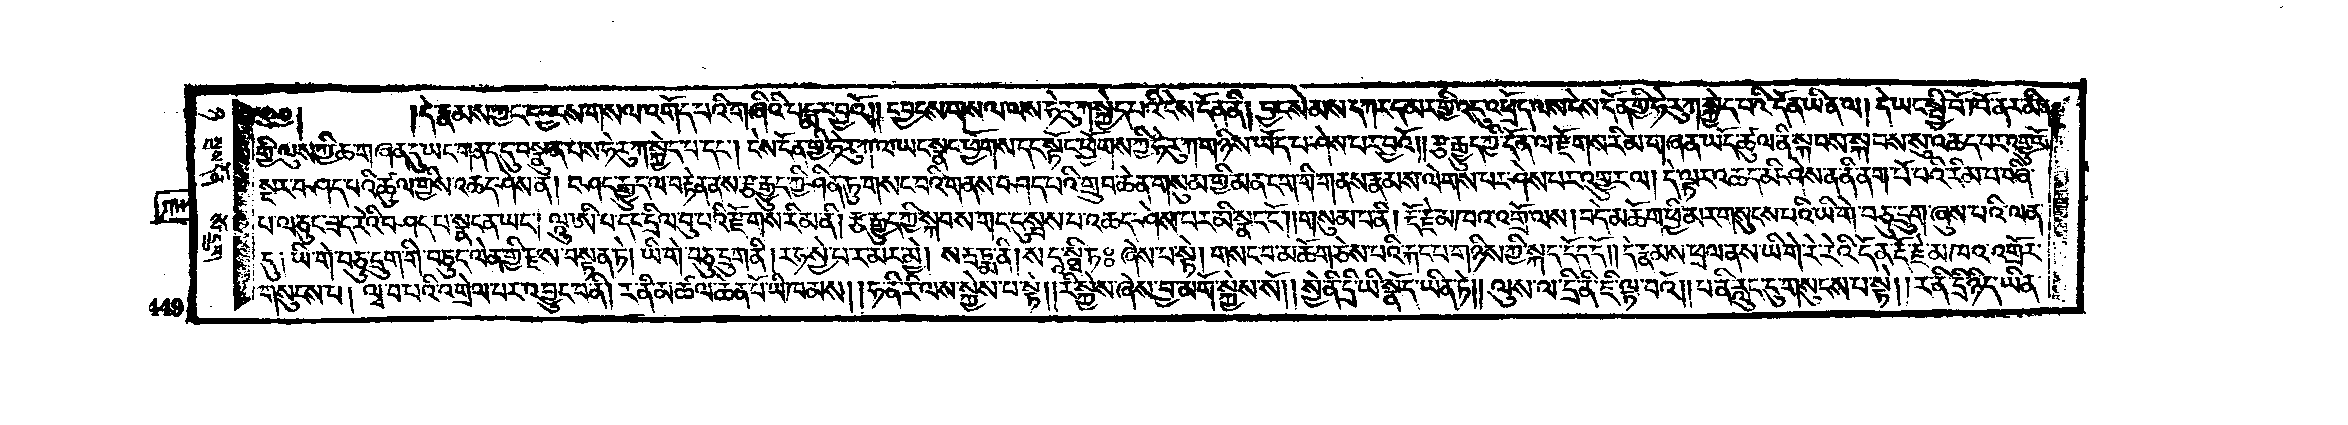༄༅། །དེ་རྣམས་ཀྱང་དབྱངས་གསལ་འགོད་པའི་གཞིའི་པདམར་བྱའོ། །དབྱངས་གསལ་ལས་ཧེ་རུ་ཀ་སྐྱེད་པའི་ངེས་དོན་ནི། བྱང་སེམས་དཀར་དམར་གྱི་འདུ་འཕྲོད་ལས་ངེས་དོན་གྱི་ཧེ་རུ་ཀ་སྐྱེད་པའི་དོན་ཡིན་ལ། དེ་ཡང་སྤྱི་བོ་ཁོ་ནར་མིན་
གྱི་ལུས་ཀྱི་ཆ་གཞན་དུ་ཡང་གནད་དུ་བསྣུན་པས་ཧེ་རུ་ཀ་སྐྱེད་པ་དང་། ངེས་དོན་གྱི་ཧེ་རུ་ཀ་ལ་ཡང་སྣང་ཕྱོགས་དང་སྟོང་ཕྱོགས་ཀྱི་ཧེ་རུ་ཀ་གཉིས་ཡོད་པ་ཤེས་པར་བྱའོ། །རྩ་རྒྱུད་ཀྱི་དོན་ལ་རྫོགས་རིམ་གཞན་ཡོད་ཚུལ་ནི་སྐབས་སྐབས་སུ་འཆད་པར་འགྱུར་རོ། །
སྔར་བཤད་པའི་ཚུལ་གྱིས་འཆད་ཤེས་ན། བཤད་རྒྱུད་ལ་བརྟེན་ནས་རྩ་རྒྱུད་ཀྱི་ཤིན་ཏུ་གསང་བའི་གནས་བཤད་པའི་གྲུབ་ཆེན་གསུམ་གྱི་མན་ངག་གི་གནས་རྣམས་ལེགས་པར་ཤེས་པར་འགྱུར་ལ། དེ་ལྟར་འཆད་མི་ཤེས་ན་ནི་ནག་པོ་པའི་རིམ་པ་བཞི་
པ་ལ་ཅུང་ཟད་རེའི་བཤད་པ་སྣང་ན་ཡང་། ལཱུ་ཨི་པ་དང་དྲིལ་བུ་པའི་རྫོགས་རིམ་ནི། རྩ་རྒྱུད་ཀྱི་སྐབས་གང་དུ་སྦས་པ་འཆད་ཤེས་པར་མི་སྣང་ངོ། །གསུམ་པ་ནི། རྡོ་རྗེ་མཁའ་འགྲོ་ལས། བདེ་མཆོག་ཕྱི་མར་གསུངས་པའི་ཡི་གེ་བཅུ་དྲུག་ཞུས་པའི་ལན་
དུ། ཡི་གེ་བཅུ་དྲུག་གི་བཅུད་ལེན་གྱི་རྫས་བསྟན་ཏེ། ཡི་གེ་བཅུ་དྲུག་ནི། ར་ཧ་སྱེ་པ་ར་མར་མྱེ། སརྦ་ཏྨ་ནི། ས་དཱ་སྠི་ཏཿ ཞེས་པ་སྟེ། གསང་བ་མཆོག་ཅེས་པའི་རྐང་པ་གཉིས་ཀྱི་སྐད་དོད་དོ། །དེ་རྣམས་ཕྲལ་ནས་ཡི་གེ་རེ་རེའི་དོན་རྡོ་རྗེ་མཁའ་འགྲོར་
གསུངས་པ། ལྭ་བ་པའི་འགྲེལ་པར་འབྱུང་བ་ནི། ར་ནི་མཚལ་ཆེན་པོ་ཡི་ཁམས། །ཧ་ནི་རི་ལས་སྐྱེས་པ་སྟེ། །རི་སྐྱེས་ཞེས་བྱ་མགོ་སྐྱེས་སོ། །སྱེ་ནི་དྲི་ཡི་སྣོད་ཡིན་ཏེ། །ལུས་ལ་དྲི་ནི་ཇི་ལྟ་བའོ། །པ་ནི་རླུང་དུ་གསུངས་པ་སྟེ། །ར་ནི་དྲི་ཉིད་ཡིན་